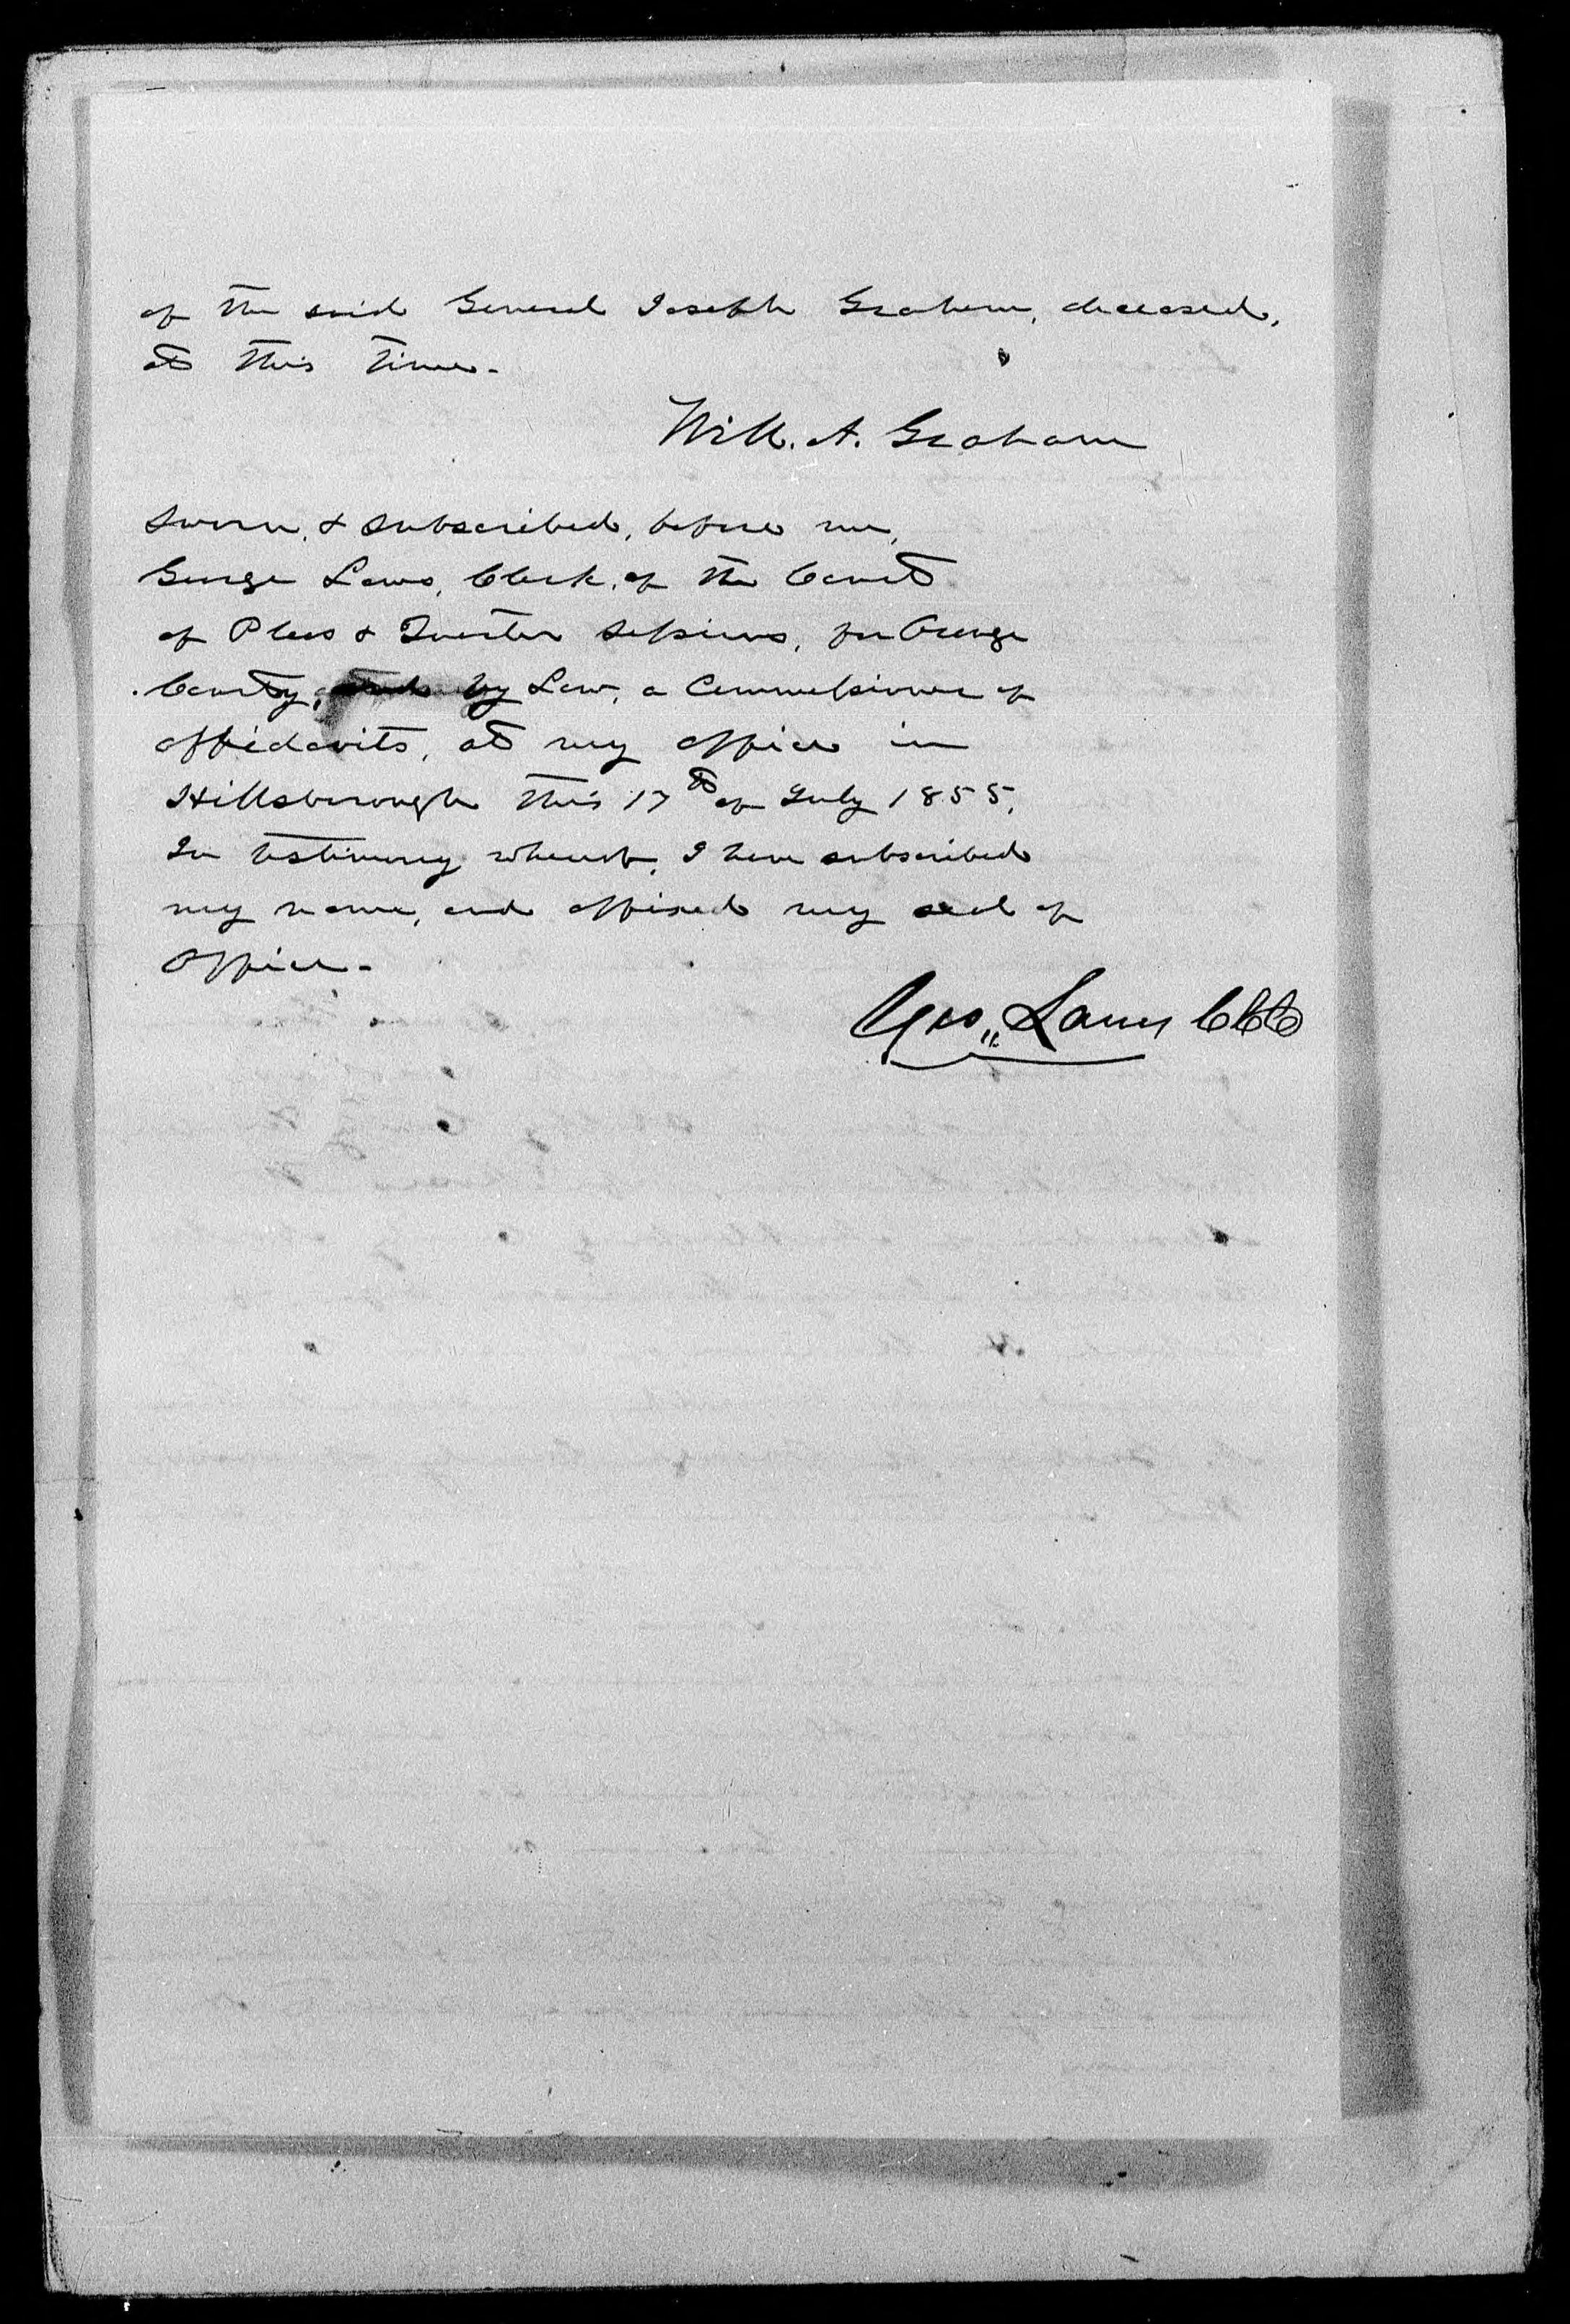of the said General Joseph Graham, deceased at this time.
Will. A. Graham
[Signature]

Sworn & subscribed before me, George Laws, Clerk of the Court of Pleas & Quarter Sessions for Orange County, by Law, a Commissioner of affidaviats at my office in Hillsborough this 17th  of July 1855. In testimoney whereof, I have subscribed my name, and affixd my seal of office.
Geo. Laws C. C. C.
[Signature]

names: Joseph Graham, George Laws, Geo Laws, Will A Graham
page: 16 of 55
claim: survivor's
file: S. 6,937, Joseph Graham, N.C.